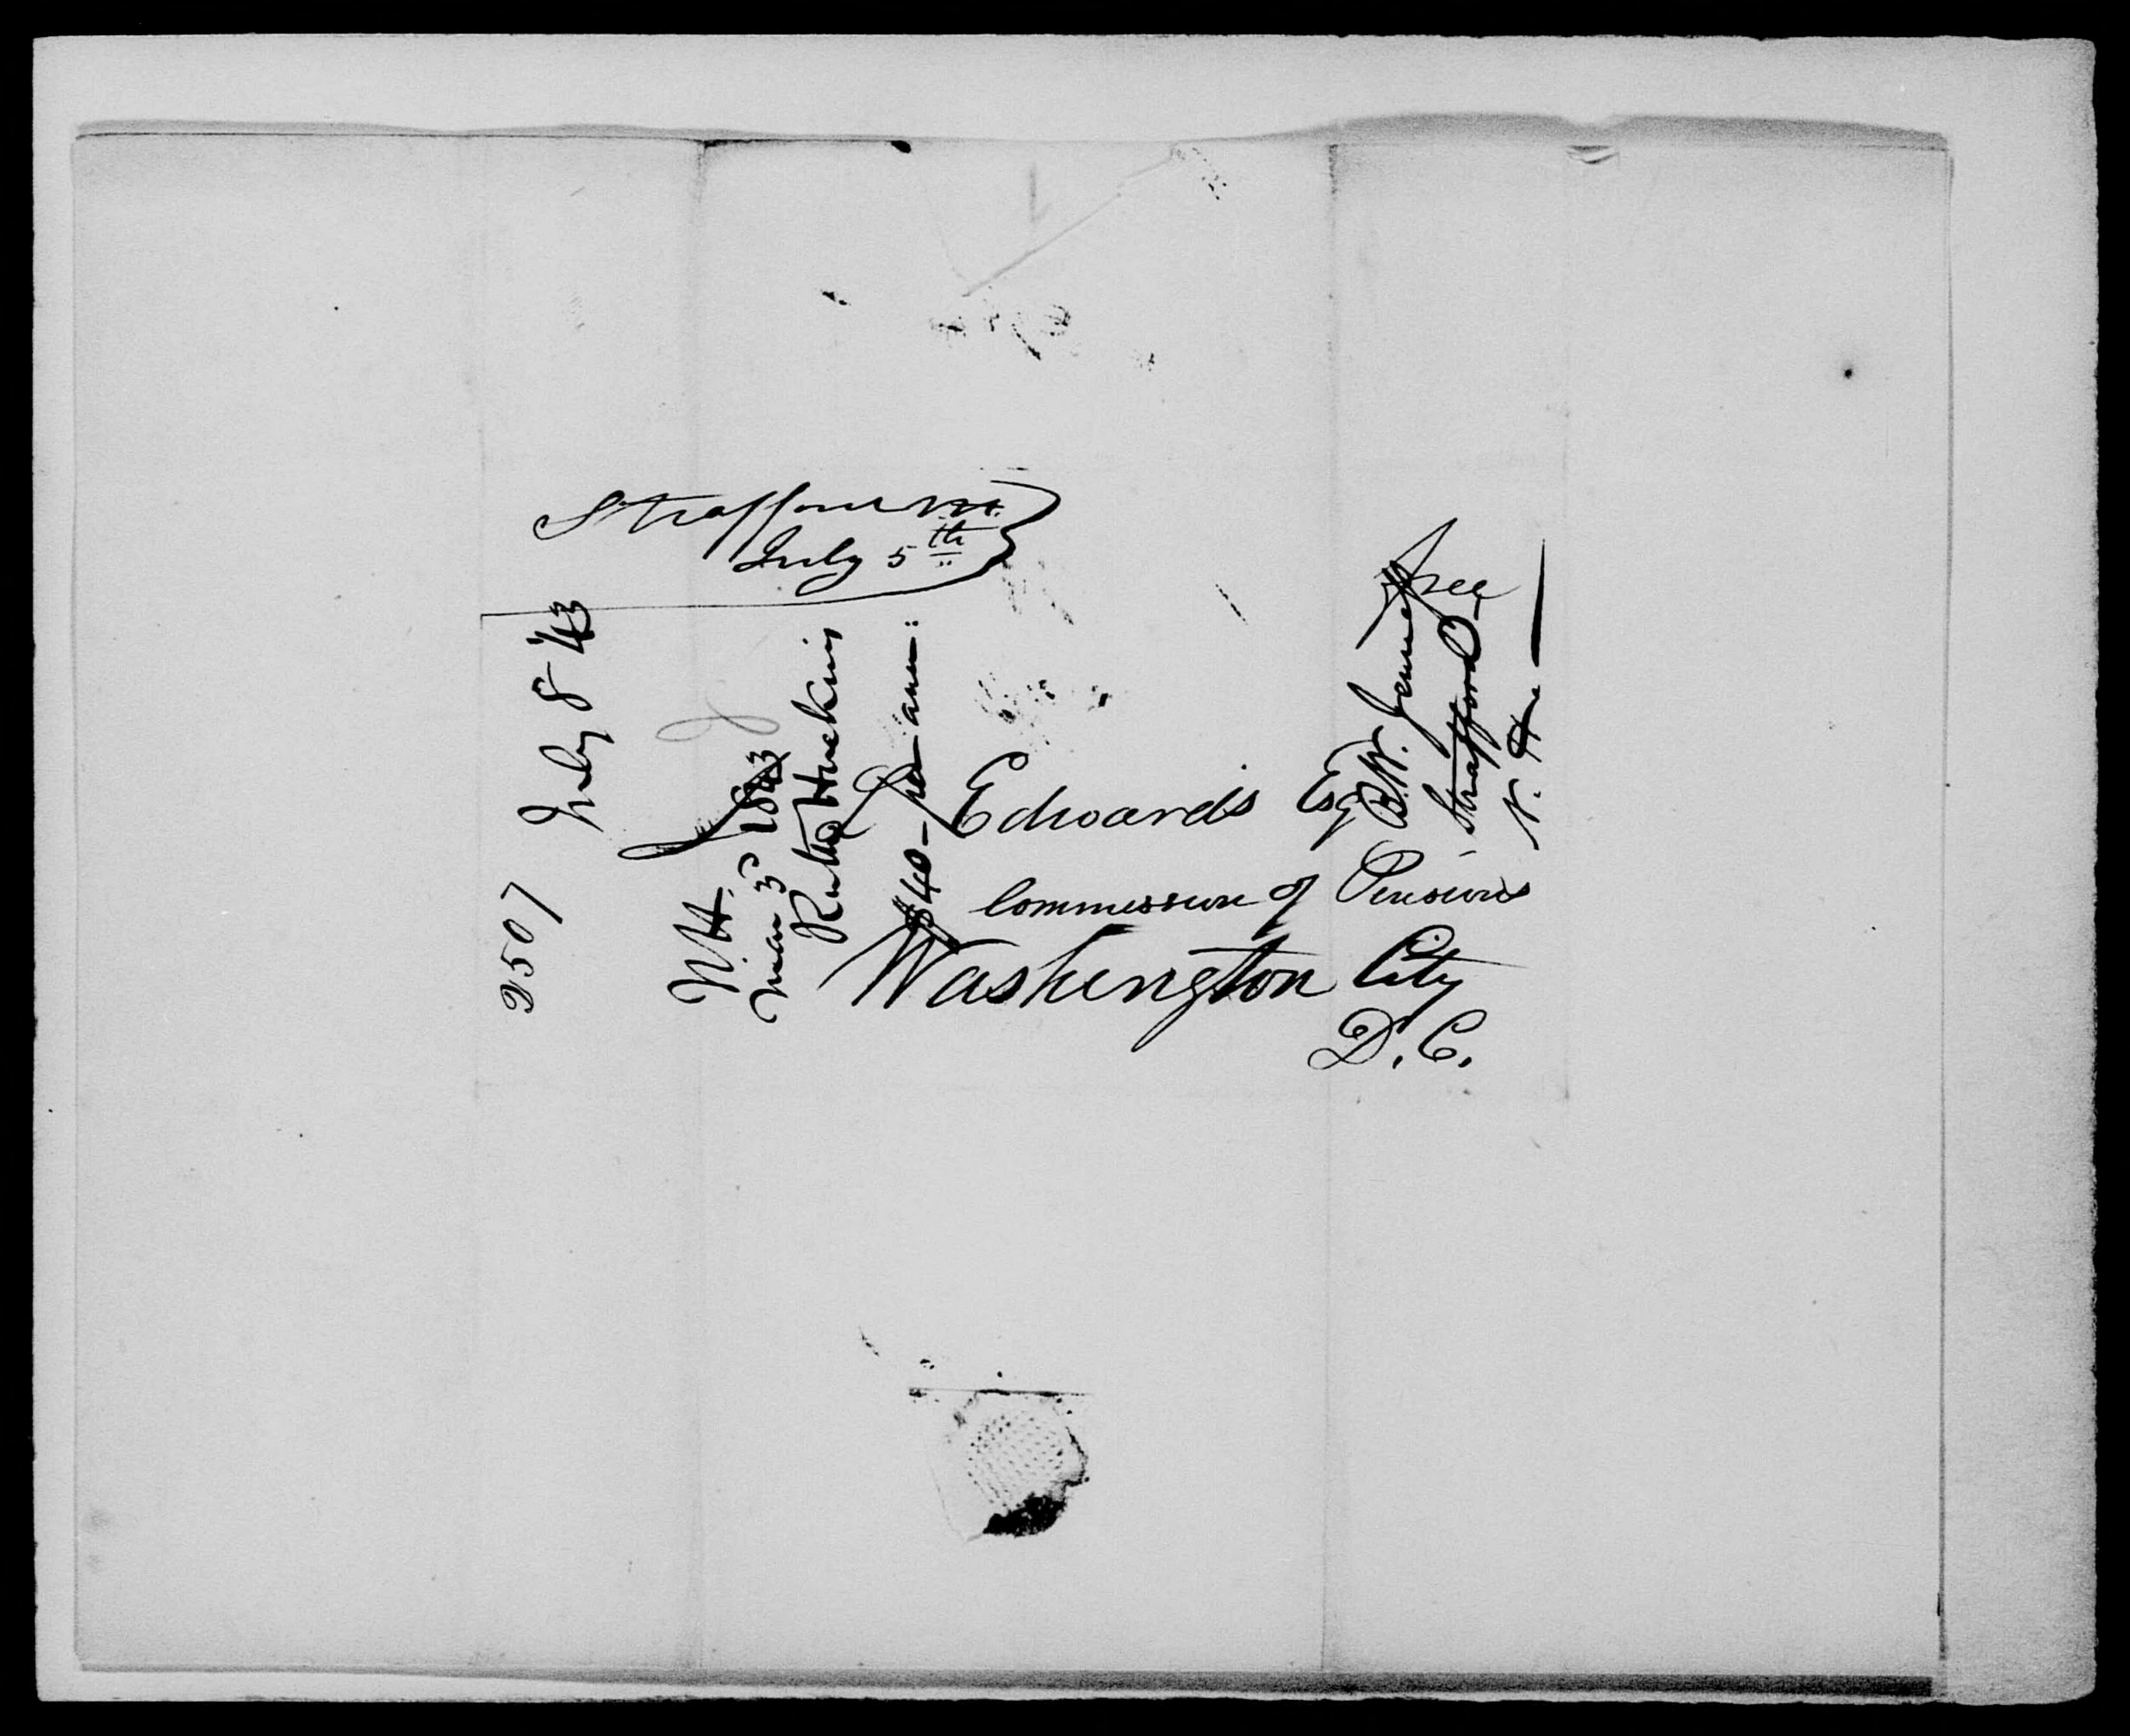Strafford July 5th 1843
J.L. Edwards Esq.
Commissioner of Pensions
Washington City, D.C.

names: Ruth Huckins, J L Edwards, B W Jenness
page: 26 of 35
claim: widow's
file: W. 16127, Israel Huckins, N.H.